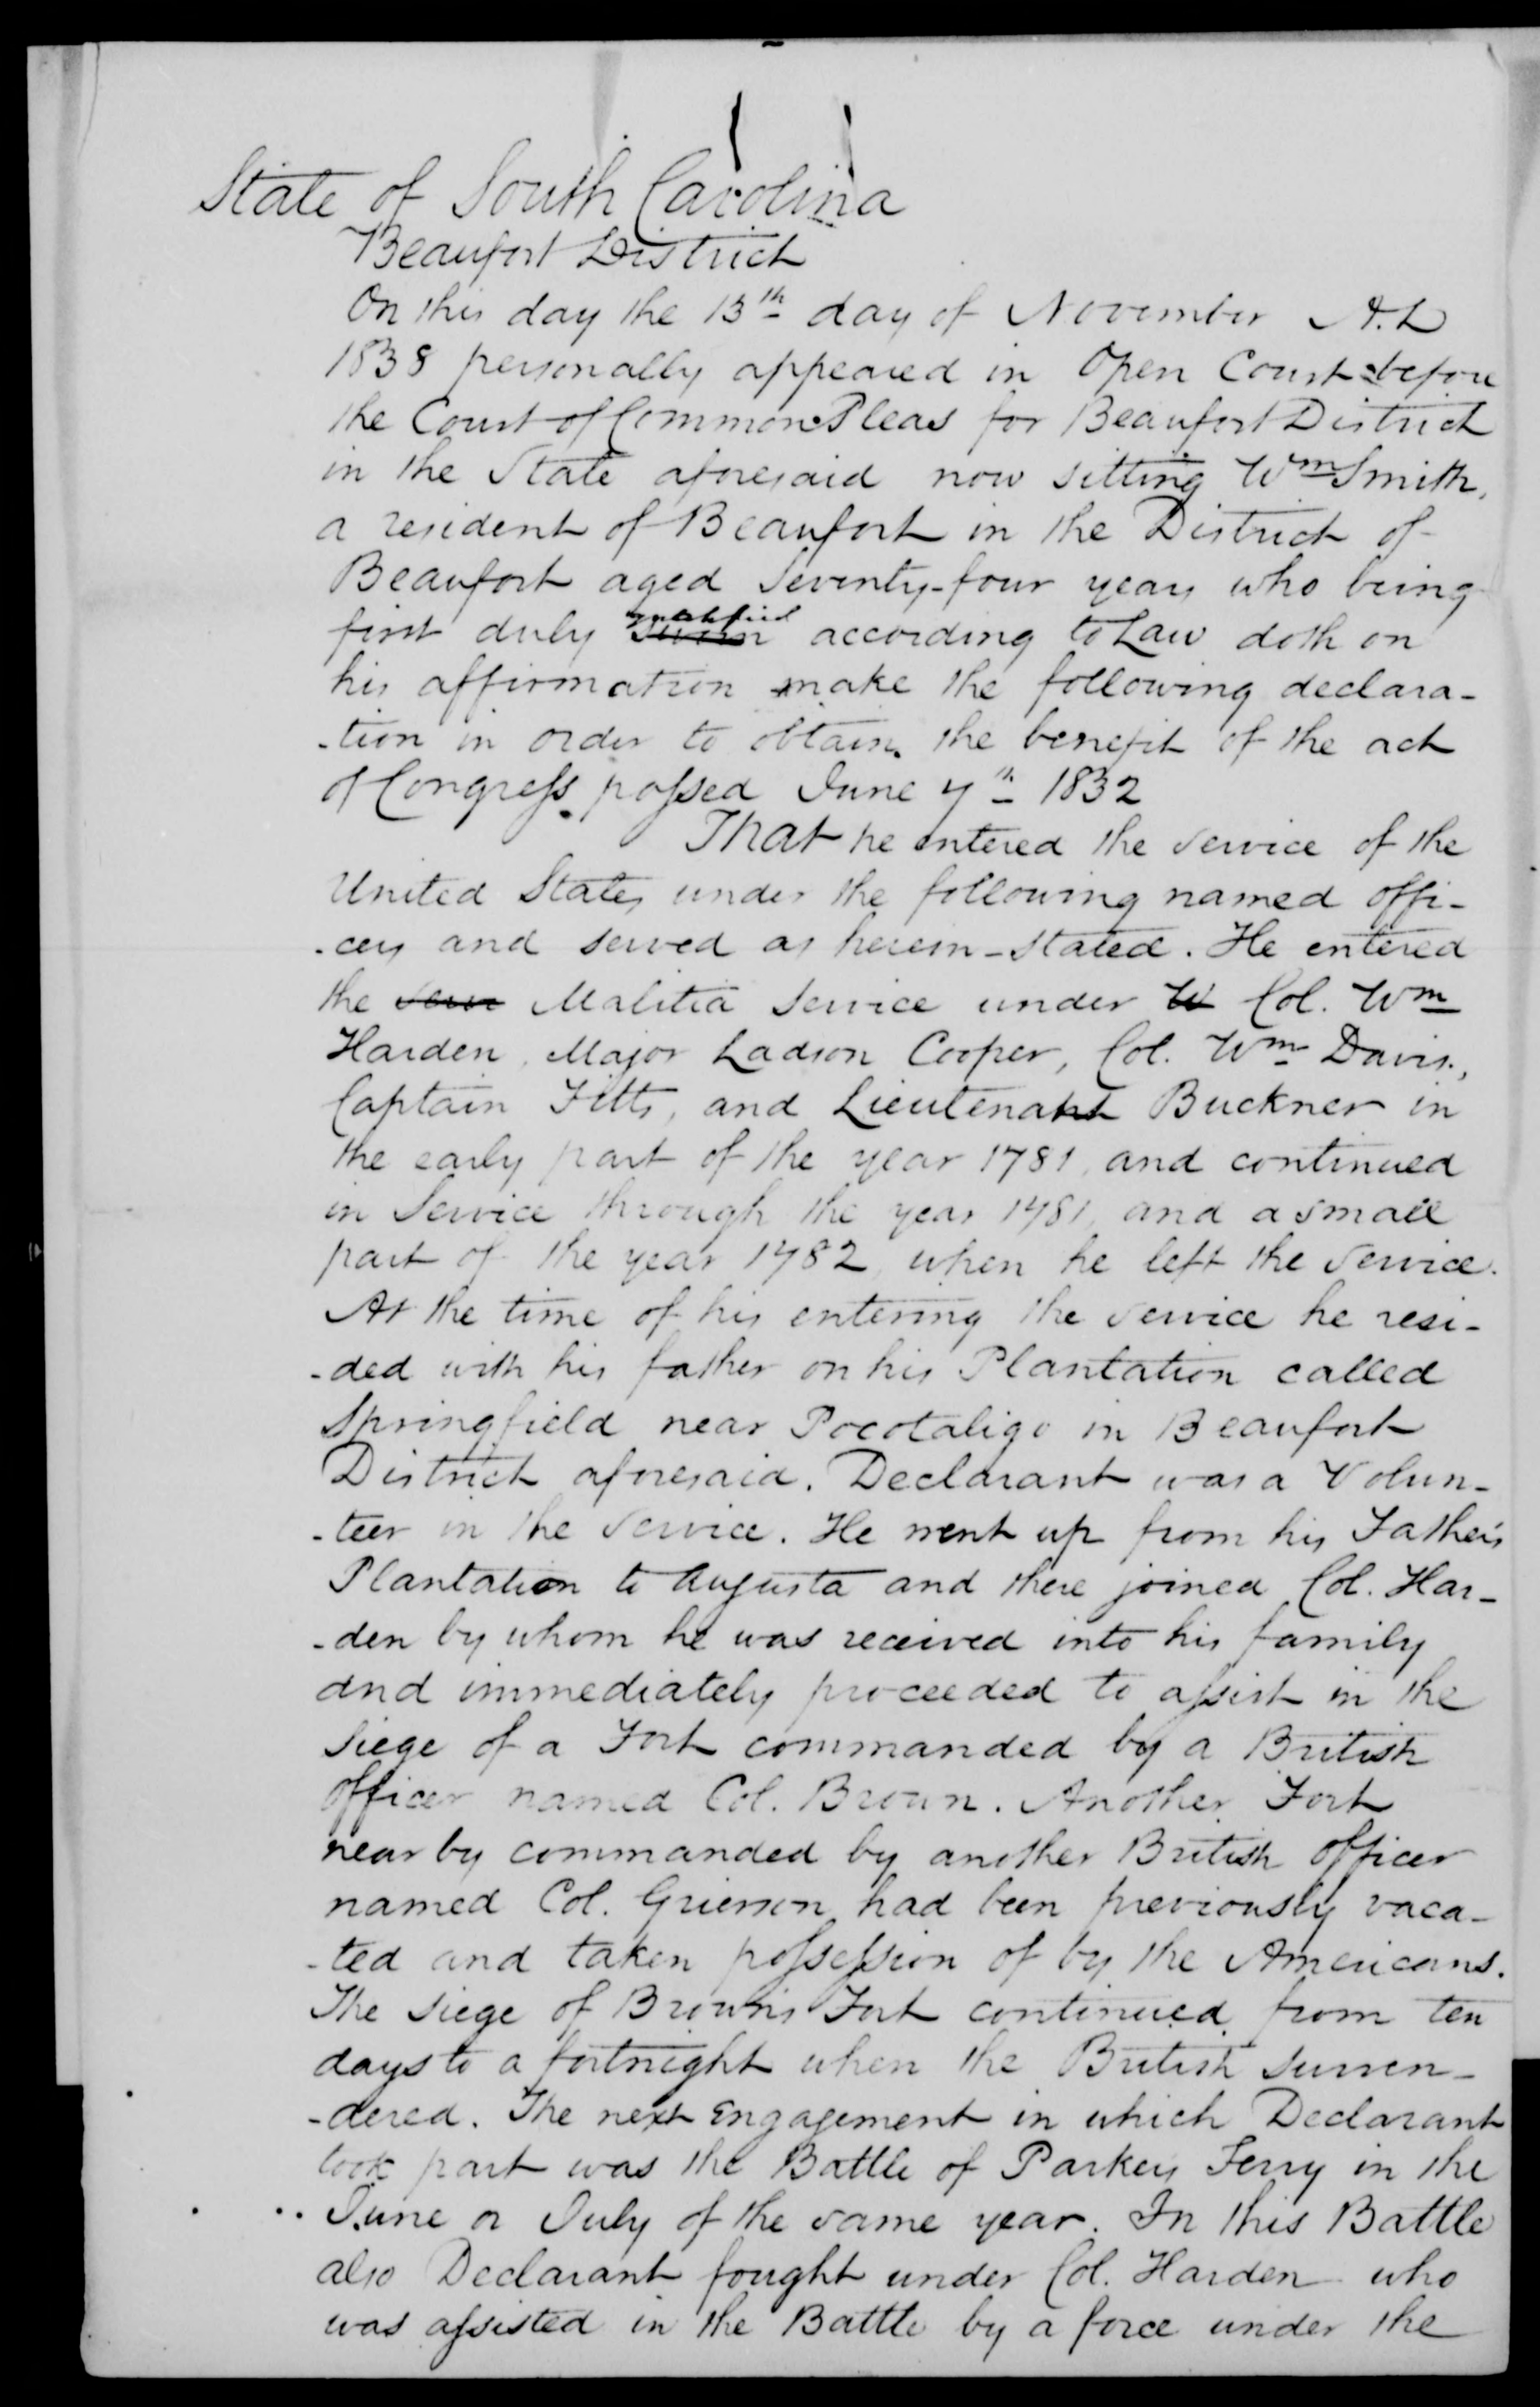State of South Carolina
Beaufort District 
On this day the 13th day of November A.D. 1838 personally appeared in Open Court before the Court of Common Pleas for Beaufort District in the State aforesaid now sitting Wm. Smith, a resident of Beaufort in the District of Beaufort aged seventy-four years who being first duty qualified according to Law doth on his affirmation make the following declaration in order to obtain the benefit of the act Congress passed June 7th 1832.
That he entered the service of the United States, under the following named officers and served as herein stated. He entered the Malitia [Militia] Service under Col. Wm. Harden, Major Ladson Cooper, Col. Wm. Davis, Captain Fitts, and Lieutenant Buckner in the early part of the year 1781, and continued in Service through the year 1781, and a small part of the year 1872 when he left the service. At the time of his entering the service he resided with his father on his Plantation called Springfield near Pocotaligo in Beaufort District aforesaid. Declarant was a Volunteer in the service. He went up from his Father's plantation to Augusta and there joined Col. Harden by whom he was received into his family and immediately proceeded to assist in the Siege of a Fort commanded by a British Officer named Col. Brown. Another Fort nearby commanded by another British officer named Col. Grierson had been previously vacated and taken possession of by the Americans. The siege of Brown's Fort continued from ten days to a fortnight when the British surrendered. The next engagement in which Declarant took part was the Battle of Parker's Ferry in the June or July of the same year. In this Battle also Declarant fought under Col. Harden who was assisted in the Battle by a force under the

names: Wm Harden; [BLANK] Brown; Wm Davis; [BLANK] Harden; [BLANK] Buckner; [BLANK] Fitts; Wm Smith; [BLANK] Grierson; [BLANK] Harden; Ladson Cooper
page: 3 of 21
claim: rejected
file: R. 9875, for William Smith, South Carolina